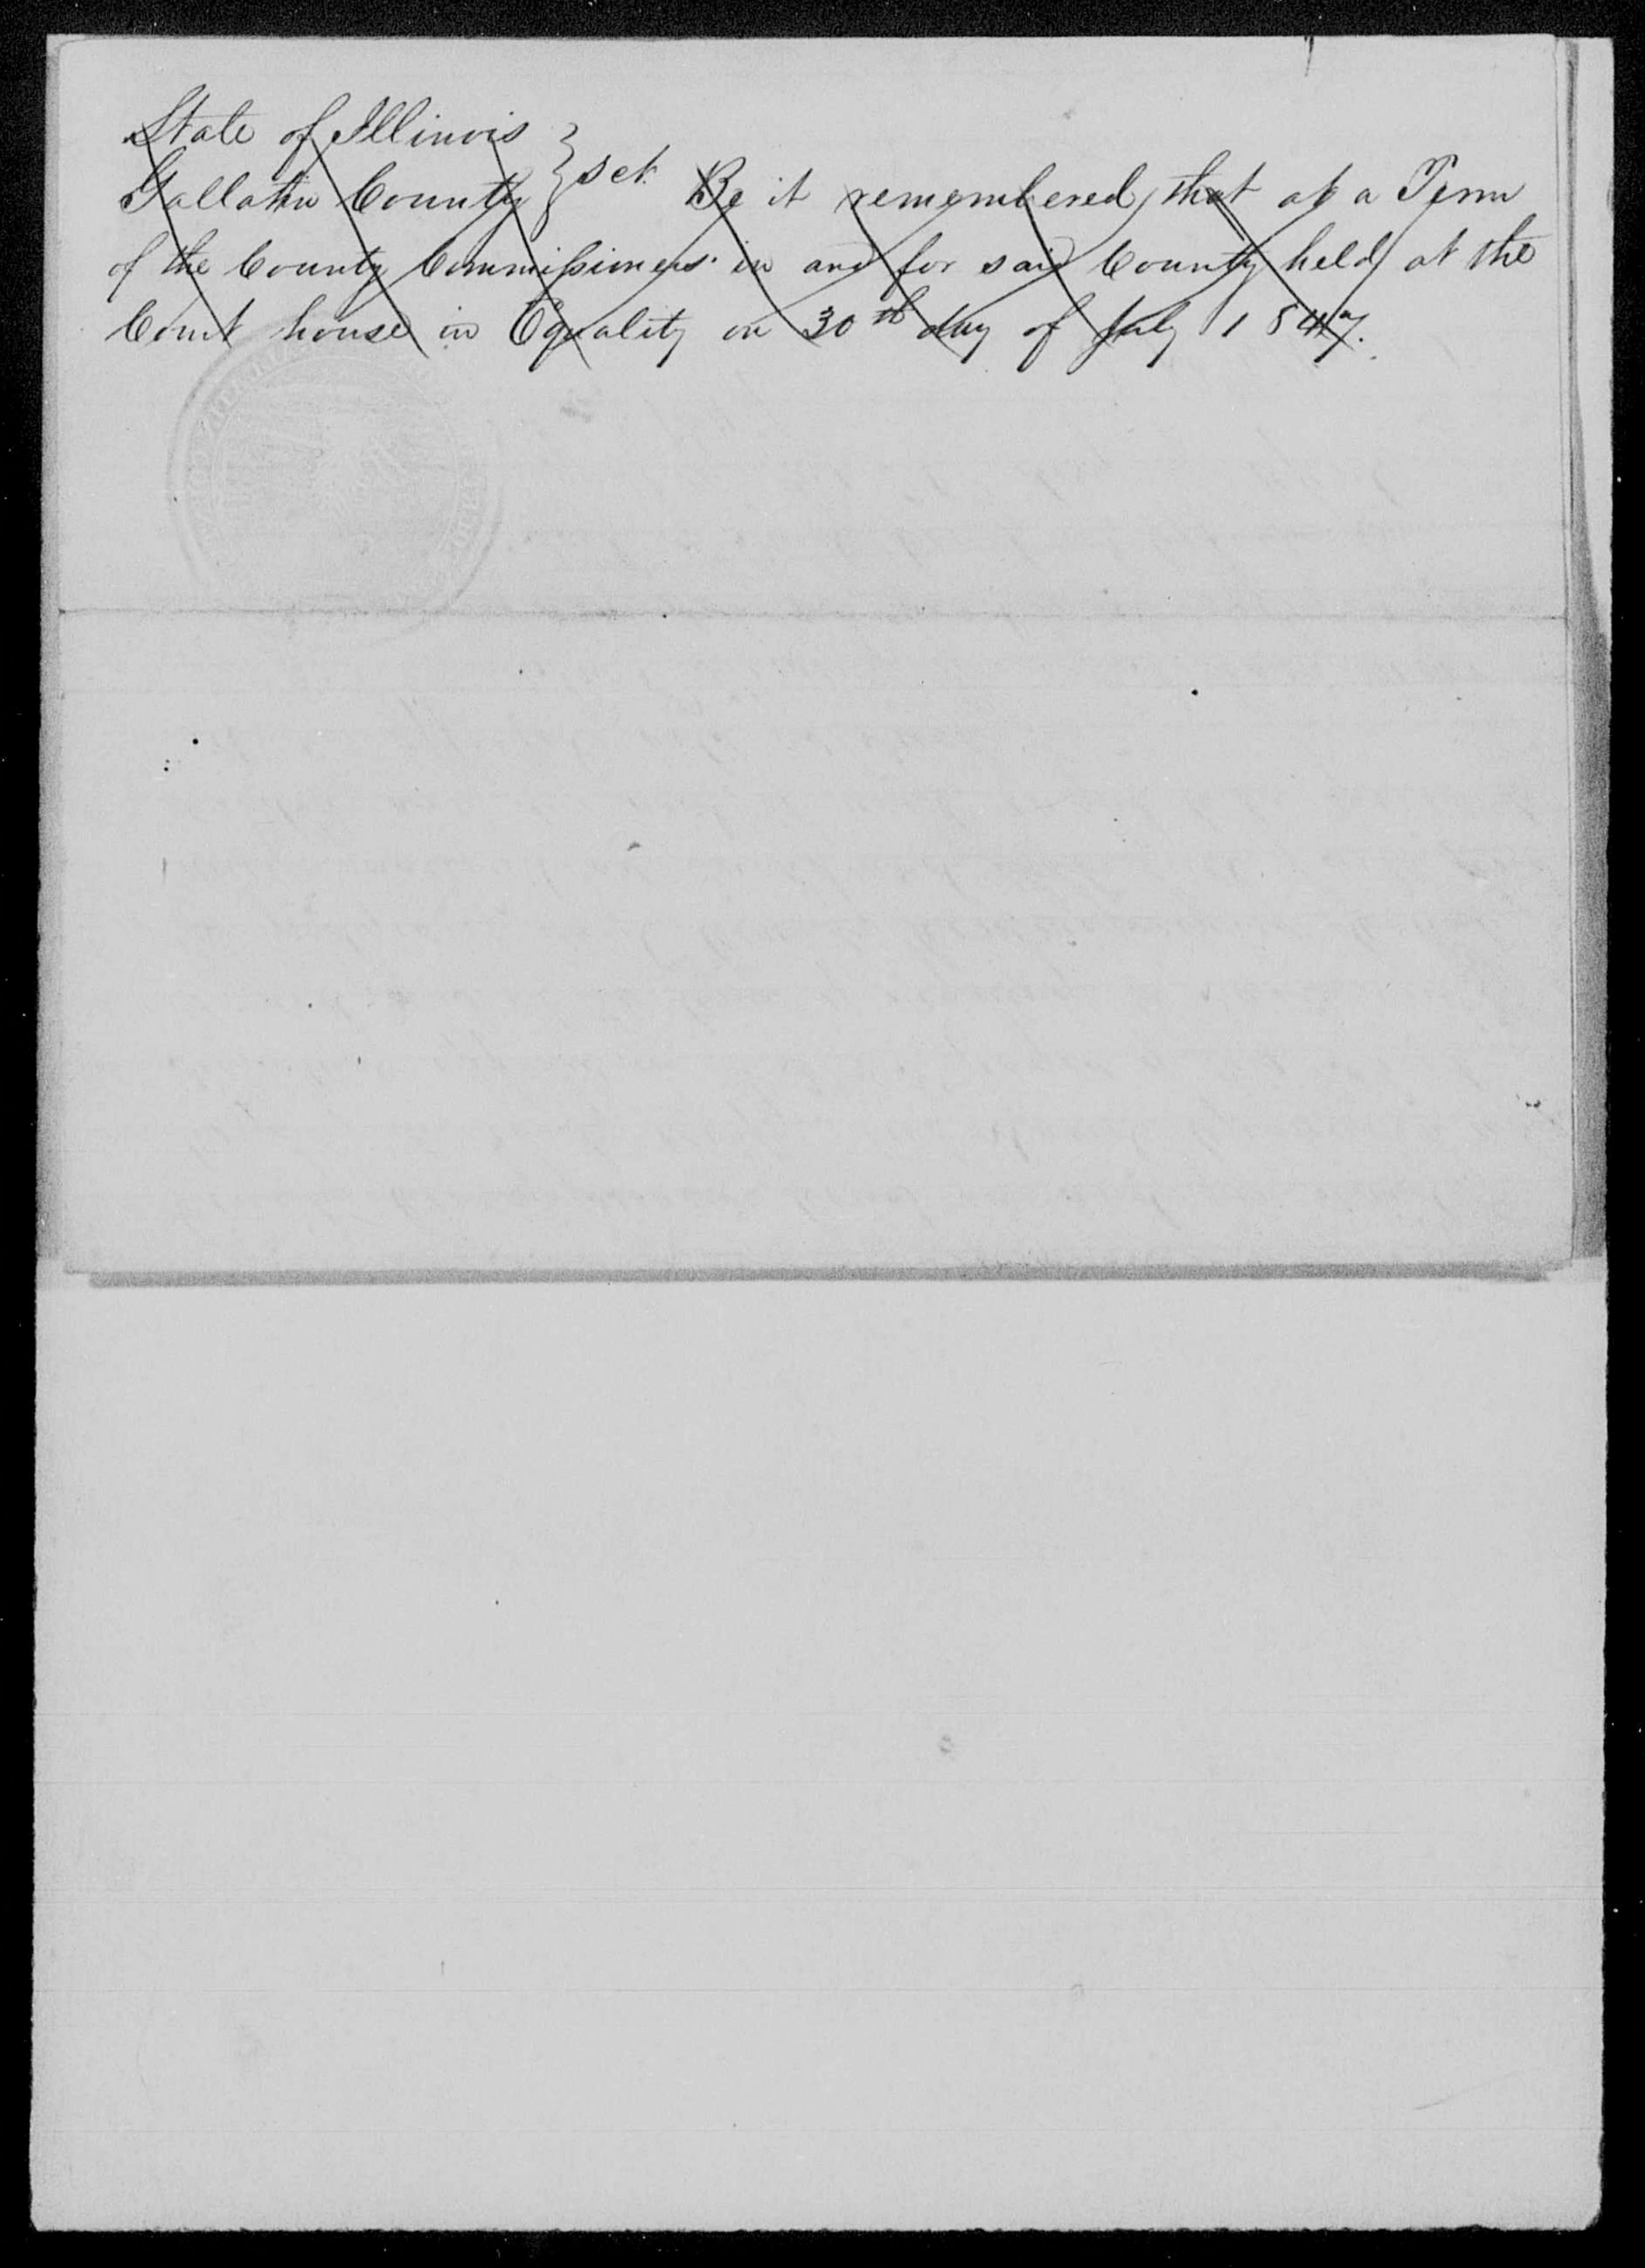State of Illinois
Gallatin County
Be it remembered that of a Term
of the County Commissioners in and for said County held at the
Court house in Equality on 30th day of July 1847.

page: 8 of 61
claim: widow's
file: W. 23,236, John Hall, N.C.